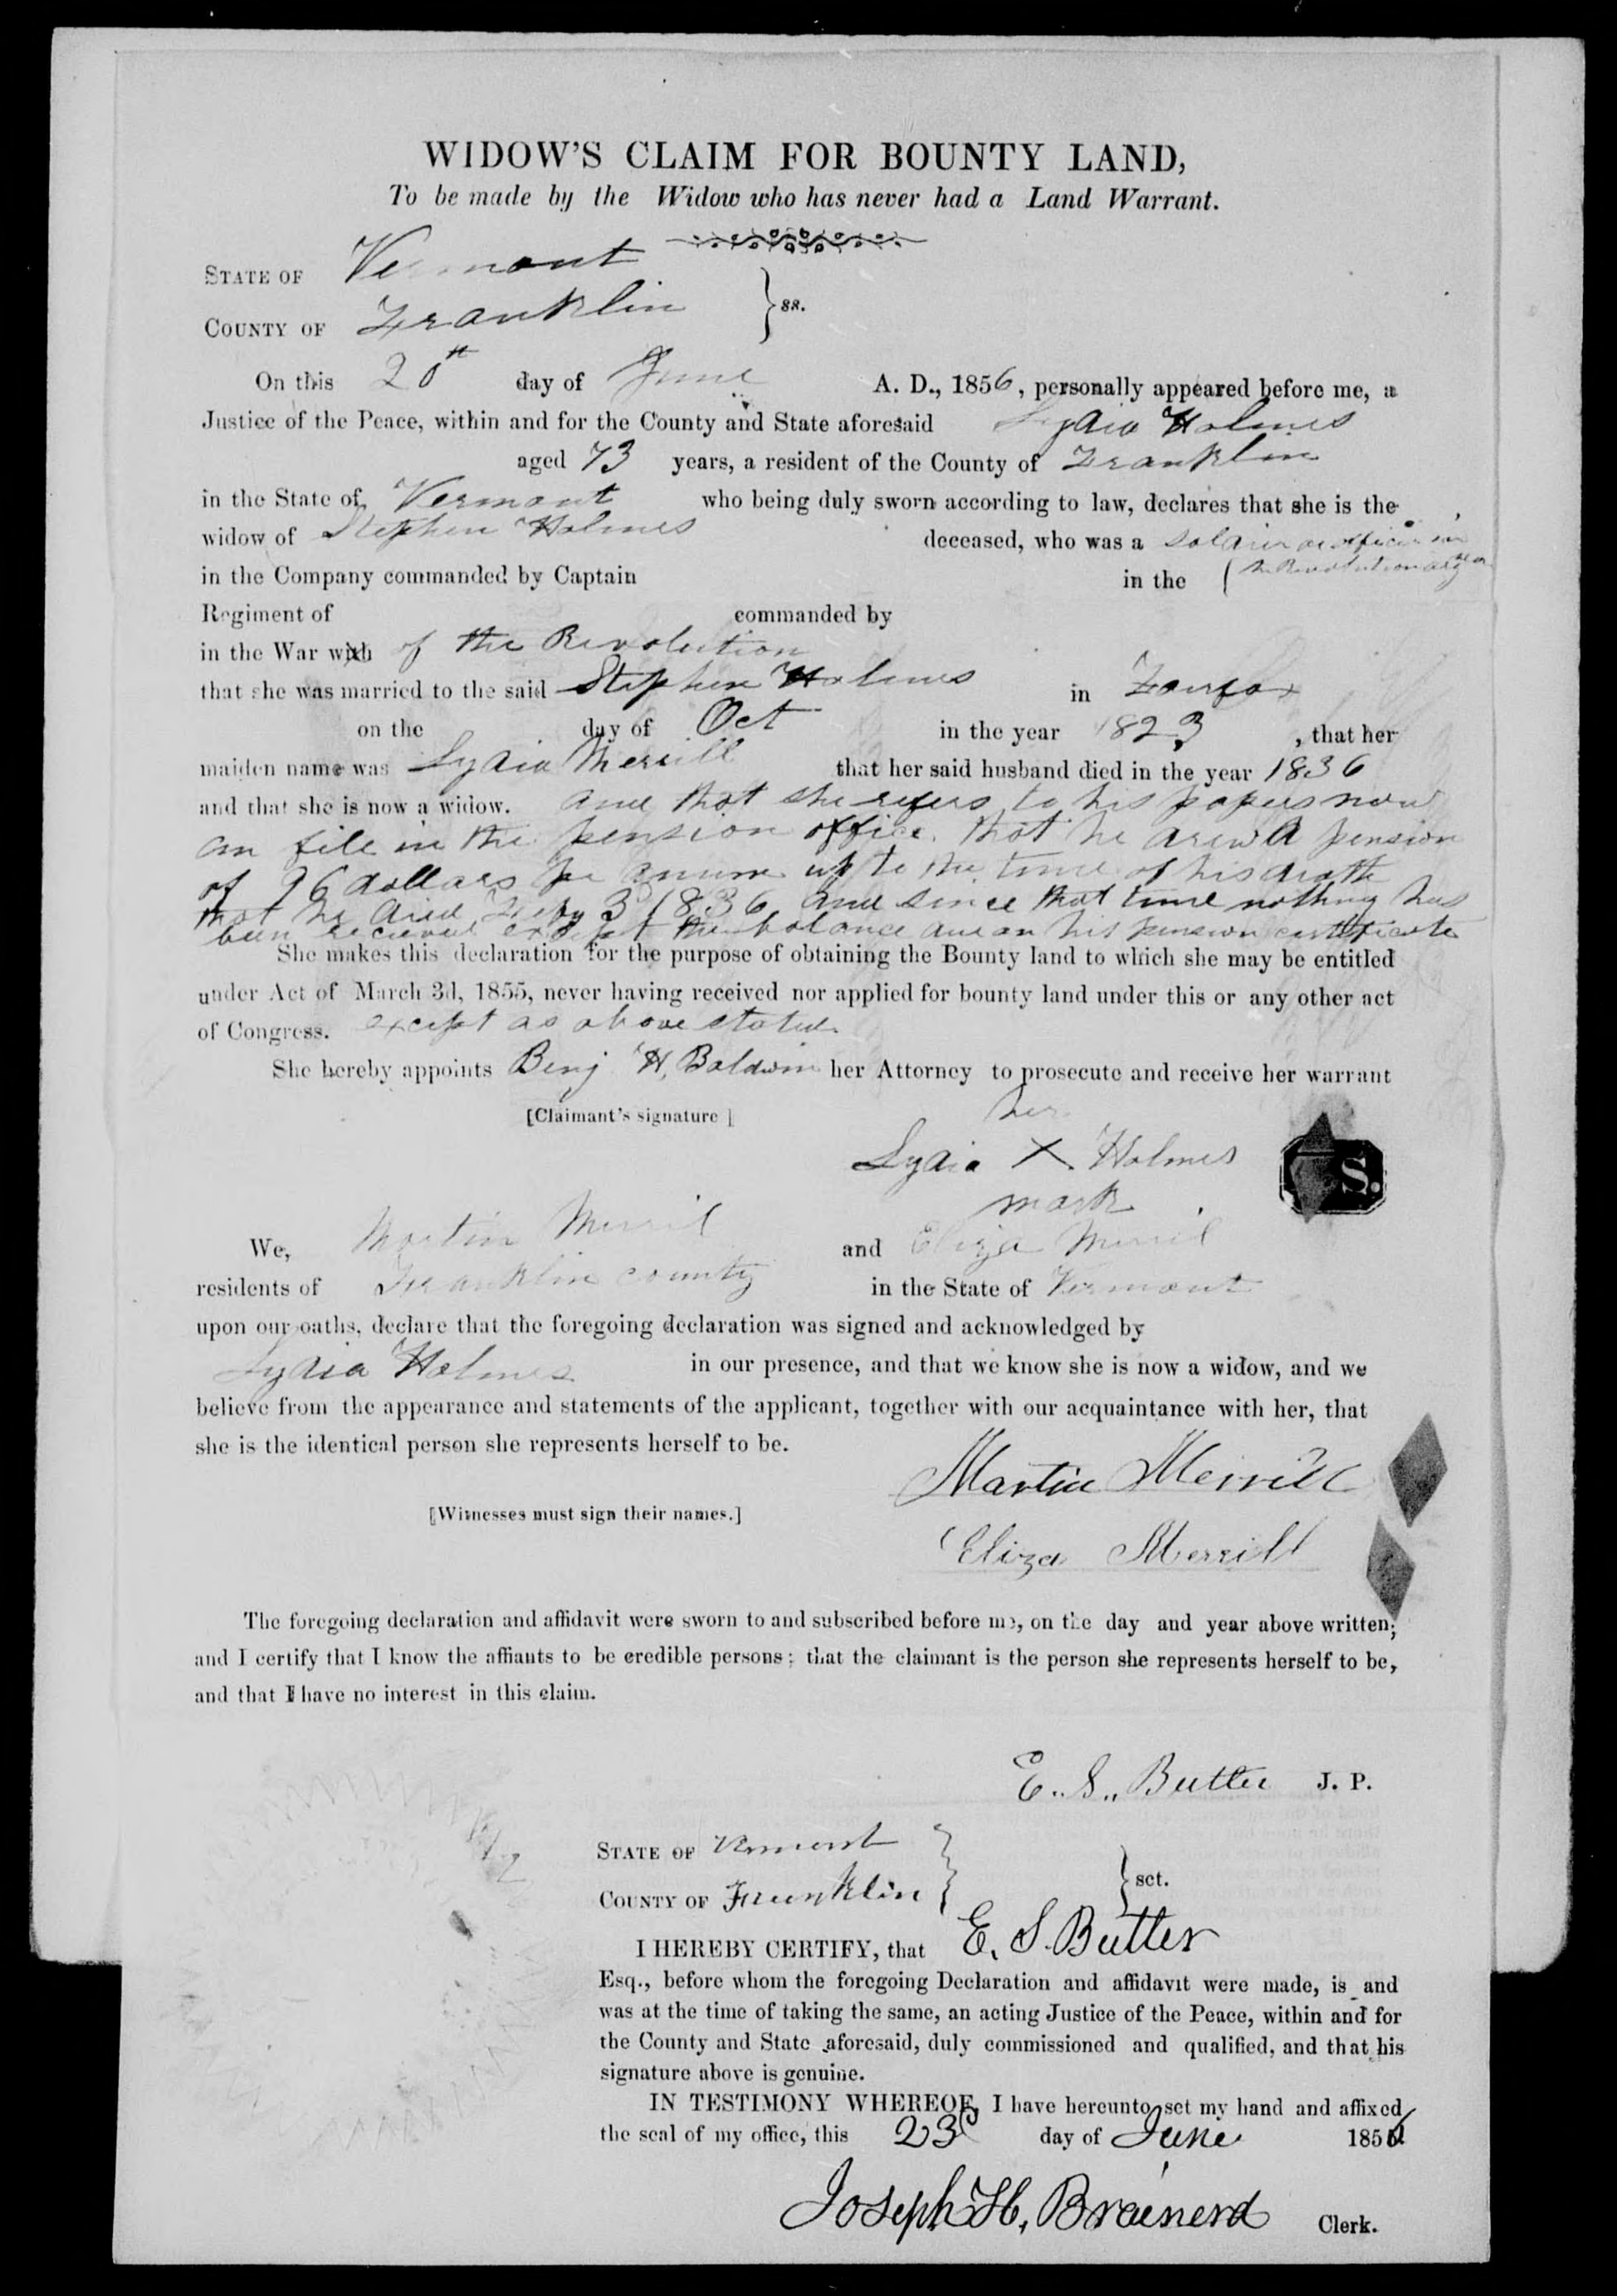WIDOW'S CLAIM FOR BOUNTY LAND,
To be made by the Widow who has never had a Land Warrant.

STATE OF Vermont
COUNTY OF Franklin ss

On this 20th day of June A. D., 1856, personally appeared before me, a Justice of the Peace, within and for the County and State aforesaid Lydia Holmes aged 73 years, a resident of the County of Franklin in the State of Vermont who being duly sworn according to law, declares that she is the widow of Stephen Holmes deceased, who was a soldier or officer in the Company commanded by Captain [blank] in the Revolutionary War Regiment of [blank] commanded by [blank] in the War [crossed out text "with"] of the Revolution that she was married to the said Stephen Holmes in Fairfax on the day of Oct in the year 1823, that her maiden name was Lydia Merrill that her said husband died in the year 1836 and that she is now a widow. And that she refers to his papers now an fill in the pension office, that he drew a pension of 96 dollars p annum up to the time of his death that he died Feb 3 1936 and since that time nothing has been received except the balance due on his pension certificate

She makes this declaration for the purpose of obtaining the Bounty land to which she may be entitled under Act of March 31, 1855, never having received nor applied for bounty land under this or any other act of Congress. except as above stated.

She hereby appointed Benj H Baldwin her Attorney to prosecute and receive her warrant

[Claimant's signature] 
her mark [hand drawn X] Lydia Holmes

We, Martin Merril and Eliza Merril residents of Franklin County in the State of Vermont upon our oaths, declare that the foregoing declaration was signed and acknowledged by Lydia Holmes in our presence, and that we know she is now a widow, and we believe from the appearance and statements of the applicant, together with our acquaintance with her, that she is the identical person she represents herself to be.

[Witnesses must sign their names.]

Martin Merrill
Eliza Merrill

The foregoing declaration and affidavit were sworn to and subscribed before me, on the day and year above written, and I certify that I know the affiants to be credible persons; that the claimant is the person she represents herself to be, and that I have no interest in this claim.

E. S. Butler J.P
STATE OF Vermont
COUNTY OF Franklin
} sct.

I HEREBY CERTIFY, that E. S. Butler Esq., before whom the foregoing Declaration and affidavit were made, is and was at the time of taking the same, an acting Justice of the Peace, within and for the County and State aforesaid, duly commissioned and qualified, and that his signature above is genuine. 

IN TESTIMONEY WHEREOF, I have hereunto set my hand and affixed the seal of my office, this 23 day of June 1856

Joseph H. Brainerd Clerk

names: E S Butler, Benj H Baldwin, Joseph H Brainerd, Lydia Merrill, Lydia Holmes, Lydia Holmes, Lydia Holmes, Stephen Holmes, Eliza Merril, E S Butler, Stephen Holmes, Eliza Merrill, Martin Merril, Martin Merrill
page: 16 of 72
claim: widow's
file: W. 7771, Stephen Holmes, Vt.